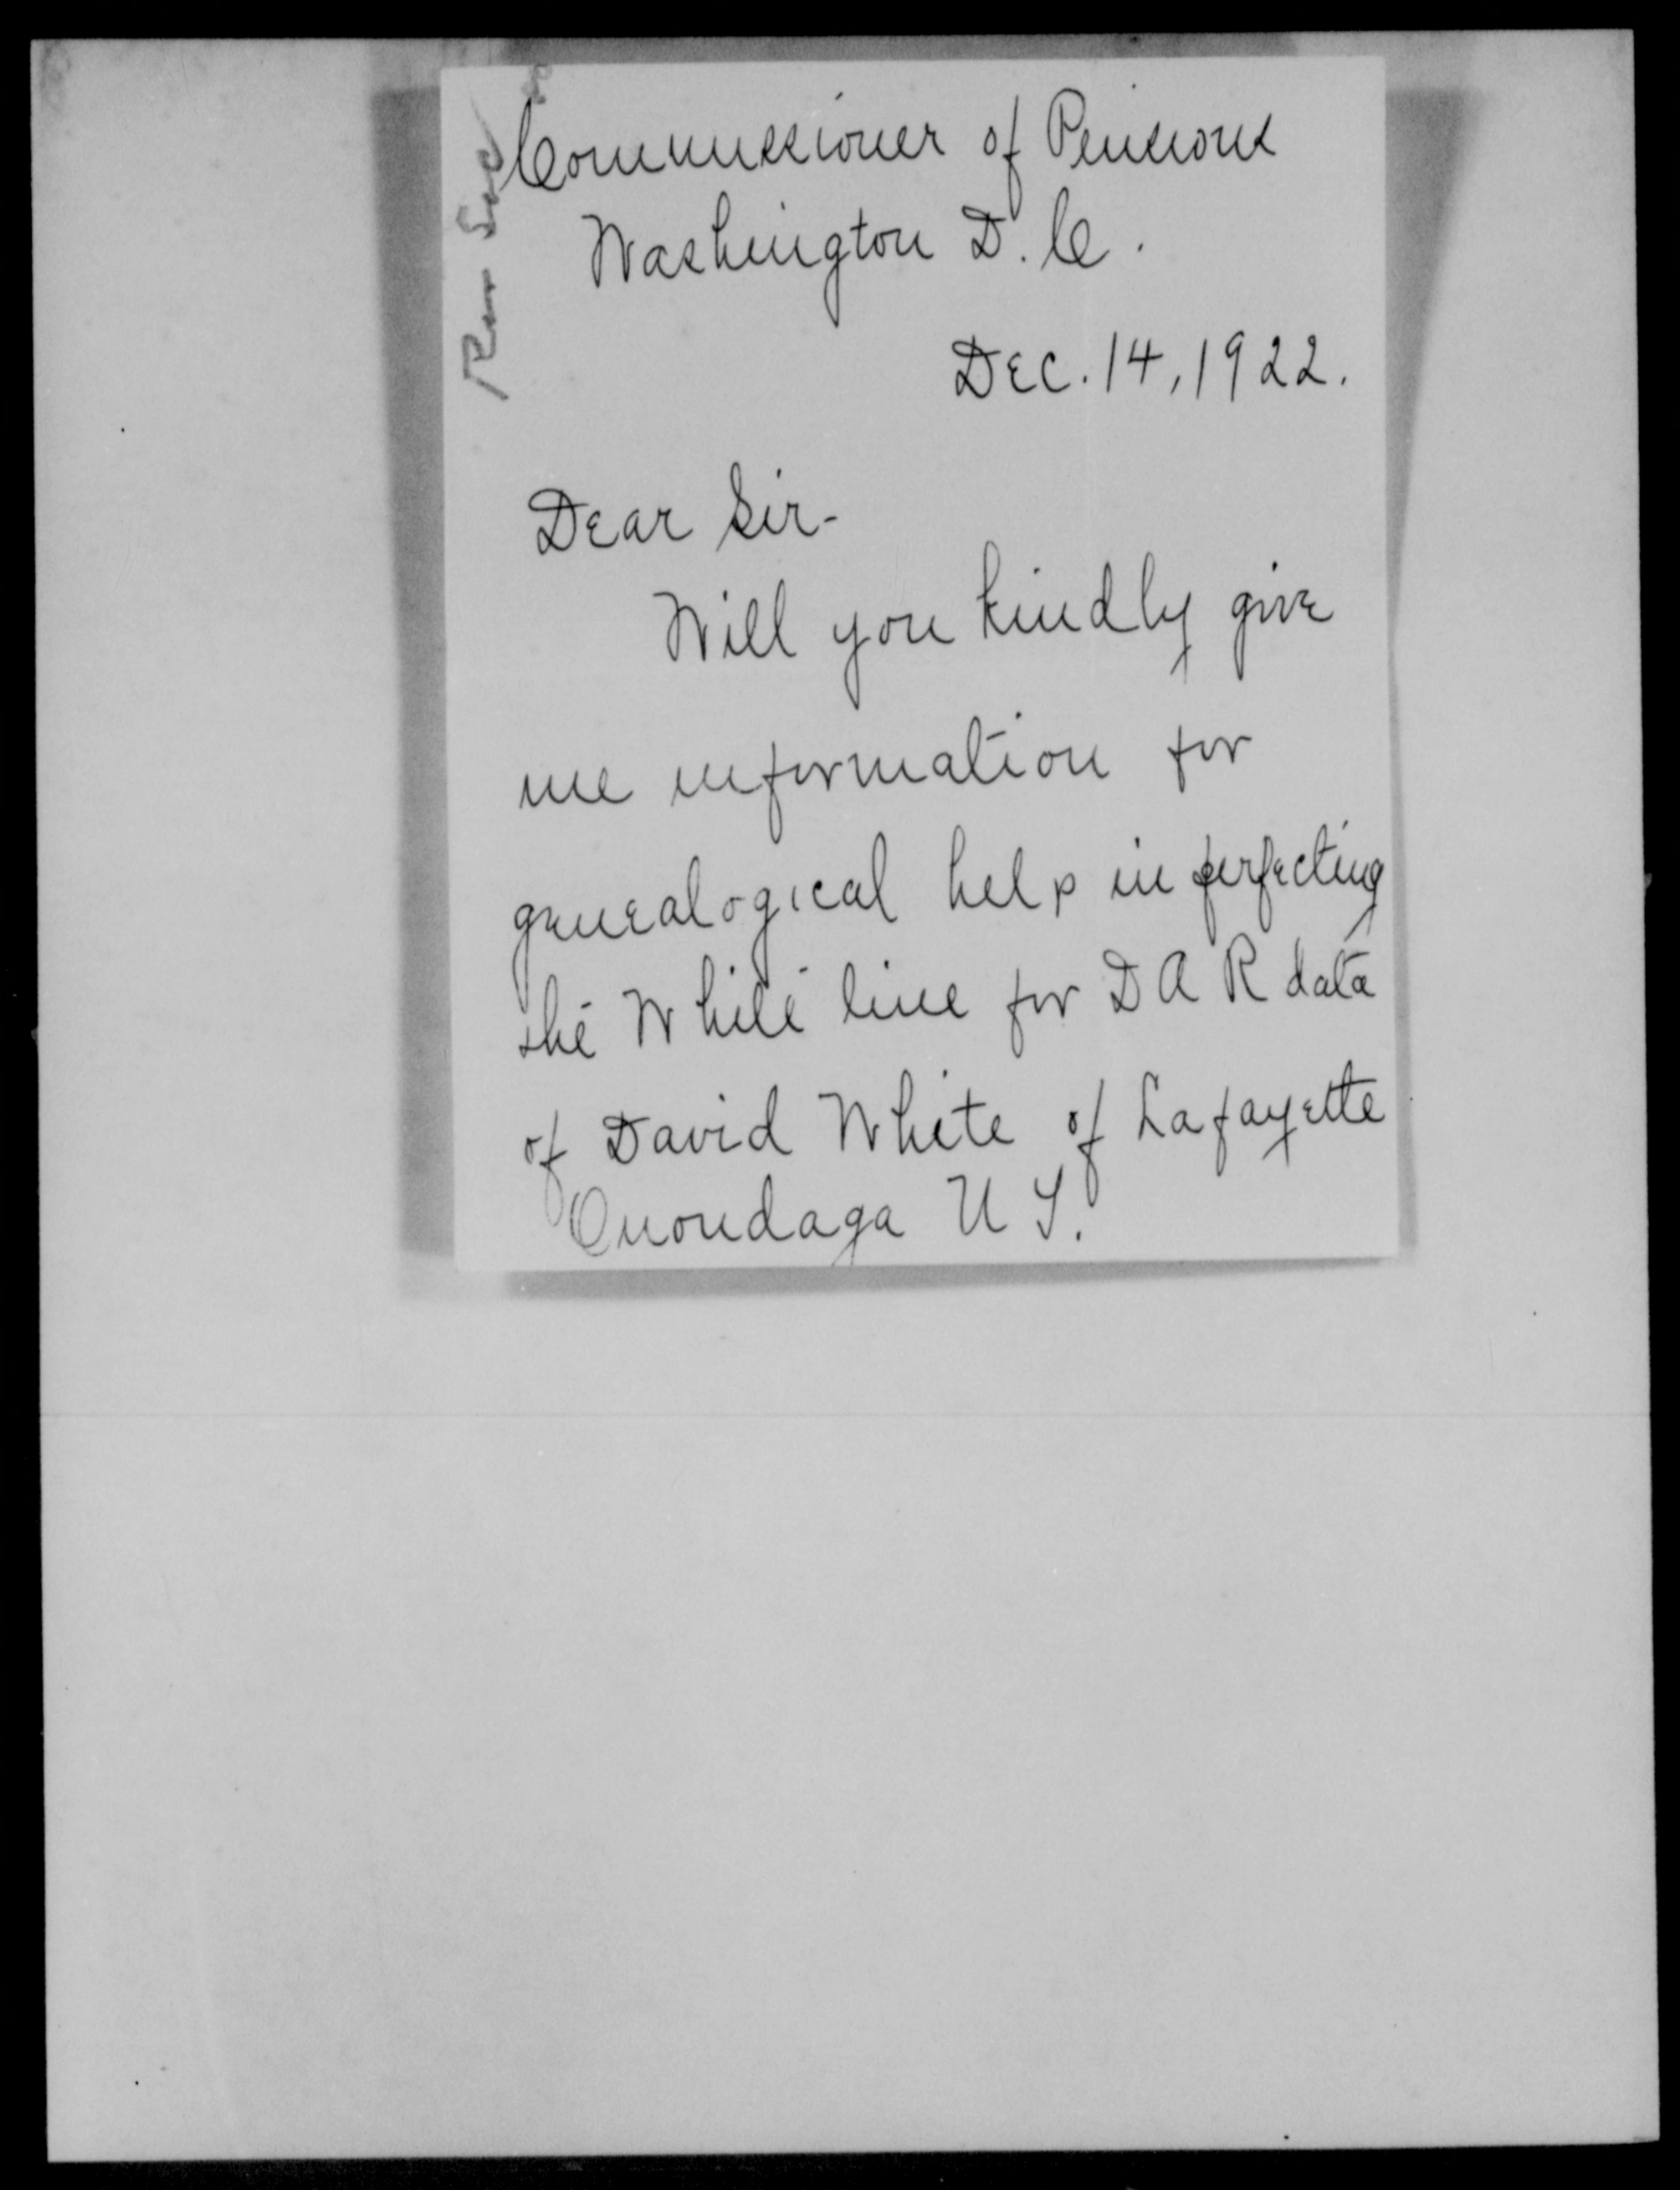Commissioner of Pensions
Washington D.C.

Dec. 14, 1922

Dear Sir--

Will you kindkly give me information for geneological help in perfecting the White line for DAR data of David White of Lafayette Onondaga N.Y.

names: David White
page: 41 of 63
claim: widow's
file: W. 18403, David White, Conn.